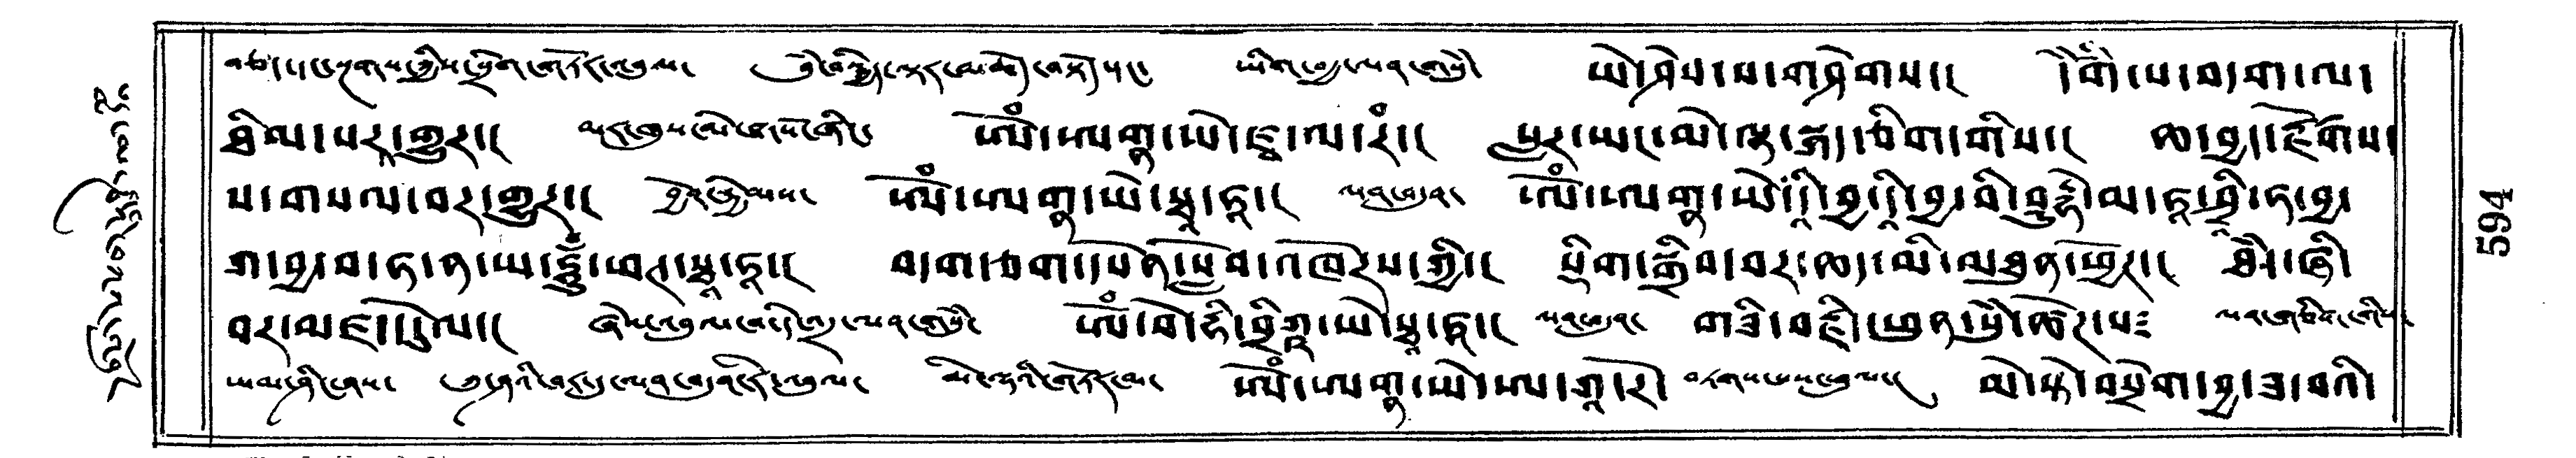བཅད་དང་སྔགས་ཀྱིས་སྲེག་གཏོར་འབུལ། བུམ་བསྐྱེད་ལྟར་མཆོད་བསྟོད་དང་། ཡིག་བརྒྱ་ལན་གསུམ། ཡེ་ཤེས་པ་གཤེགས། དམ་ཚིག་པ་བདག་ལ་
ཐིམ་པར་གྱུར། མར་ཁུས་མེ་གསོ་ཞིང་། ཨོཾ་ཨགྣ་ཡེ་ཛྭ་ལ་རཾ། སླར་ཡང་མེ་ལྷ་སྐད་ཅིག་གིས། ། ཆ་བྱད་རྫོགས་
པ་གསལ་བར་གྱུར། བྱོན་སྐྱེམས། ཨོཾ་ཨགྣ་ཡེ་སྭ་ཧཱ། ལན་བདུན། ཨོཾ་ཨགྣ་ཡེ་དཱི་བྱ་དཱི་བྱ་བི་ཤུདྡྷེ་མ་ཧཱ་ཤྲཱི་ཧ་བྱ་
ཀ་བྱ་བ་ཧ་ན་ཡ་ཧཱུྃ་ཕཊ་སྭ་ཧཱ། བདག་ཅག་དཔོན་སློབ་འཁོར་འདས་ཀྱི། །སྡིག་སྒྲིབ་བར་ཆད་མི་མཐུན་ཕྱོགས། །ཐམས་ཅད་ཞི་
བར་མཛད་དུ་གསོལ། ཞེས་འབུལ་བ་དེ་འདྲ་ལན་གསུམ། ཨོཾ་བོ་དྷི་བྲིཀྵ་ཡེ་སྭ་ཧཱ། ལན་གསུམ། གཟི་བརྗིད་ཕུན་སུམ་ཚོགས་པ༴ ལན་གཅིག་གིས་
ཡམ་ཤིང་ནས། ཀུ་ཤའི་བར་དུ་ལན་བདུན་རེ་འབུལ། མེ་ལྷའི་གཏོར་མ། ཨོཾ་ཨགྣ་ཡེ་ཨ་ཀཱ་རོ༴ བཏགས་པས་ཕུལ། མེ་སྟེ་བསྲེག་བྱ་ཟ་བའི་